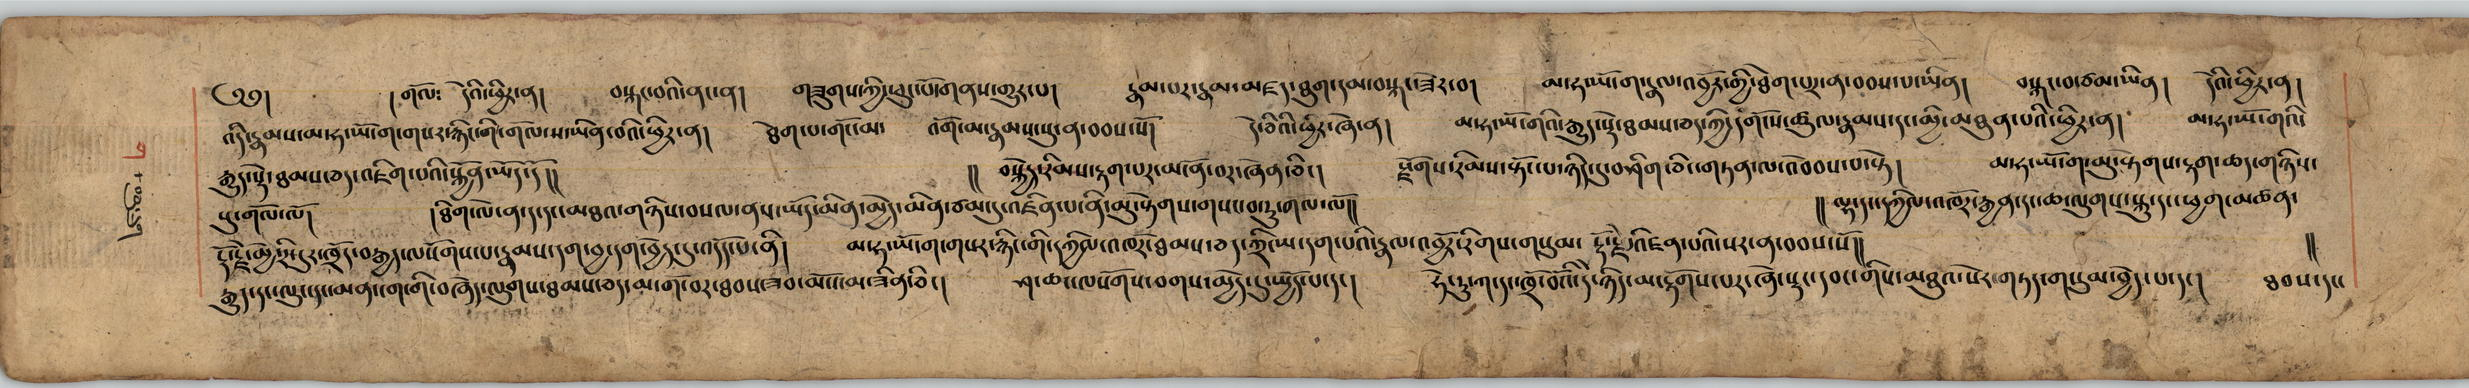༄༅། །གོལ༴ དེའི་ཕྱིར་ན། བསྐང་བའི་ནང་ན། གཟུགས་ཀྱི་ཕུང་པོ་གནས་གྱུར་པ། རྣམ་པར་རྣམ་མཛད་ཐུག་དམ་བསྐང་ཟེར་བ། མ་ཧ་ཡོ་ག་རྣལ་འབྱོར་གྱི་ཐེག་པར་ན་བབས་པ་ཡིན། བསྐང་བ་ཙམ་ཡིན། དེའི་ཕྱིར་ན།
འདི་རྣམས་མ་ཧ་ཡོ་ག་གསར་རྙིང་གི་གོལ་ས་ཡིན་བའི་ཕྱིར་ན། ཐེག་པ་གོང་མ་ འོག་མ་རྣམས་སུ་ན་བབས་སོ། དེ་ཅིའི་ཕྱིར་ཞེ་ན། མ་ཧ་ཡོ་གའི་རྒྱུད་སྡེ་ཐམས་ཅད་ཀྱི་དགོངས་ཚུལ་རྣམས་དང་མྱི་མཐུན་པའི་ཕྱིར་ན། མ་ཧ་ཡོ་གའི་
རྒྱུད་སྡེ་ཐམས་ཅད་འཇིག་པའི་སྐྱོན་ཡོད་དོ།། །། བསྐྱེད་རིམས་རྟག་པར་མངོན་བར་ཞེན་ཅིང། སྫོགས་རིམས་སྟོང་པ་ཉིད་དུ་བཤིག་ཅིང་གཏན་ལ་འབེབས་པ་སྟེ། མ་ཧ་ཡོ་ག་མུ་སྟེགས་རྟག་ཆད་གཉིས་
སུ་གོལ་ལོ། །ཐིག་ལེ་ན་ད་དང་མཐའ་གཉིས་བསལ་ནས་ཡོད་མིན་མྱེད་མིན་ཙམ་དུ་འཛིན་པ་ནི་མུ་སྟེགས་གསང་བ་རུ་གལ་ལོ།། །། ལྷ་དང་དཀྱིལ་འཁོར་རྒྱན་དང་ཆ་ལུགས་སྐུ་དང་ཕྱག་མཚན་
རྡོ་རྗེ་མྱེ་རི་དུར་ཁྲོད་བརྒྱད་ལསོགས་པ་རྣམས་དག་བྱ་དག་བྱེད་དུ་འདོད་པ་ནི། མ་ཧ་ཡོ་ག་གསར་རྙིང་གི་དཀྱིལ་འཁོར་ཐམས་ཅད་ཀྲི་ཡ་དག་པའི་རྣལ་འབྱོར་རིགས་གསུམ་ རྡོ་རྗེ་འཛིན་པཔའི་སར་ན་བབས་སོ།།
རྒྱུད་དང་ལུང་དང་མན་ངག་གི་བཞེད་ལུགས་ཐམས་ཅད་མ་གོ་བར་ཐབས་ཟབ་མོས་མ་ཟིན་ཅིང། ཤ་ཆང་ལསོགས་བགས་མྱེད་དུ་སྤྱོད་པ་དང། ཧེ་རུ་ཀ་དང་ཁྲོ་བོའི་དེ་ཉིད་མ་རྟོགས་པར་ཞེ་སྡང་དབང་གིས་མཐུའ་སེར་གཏད་གསུམ་བྱེད་པ་དང། ཐབས་དང་